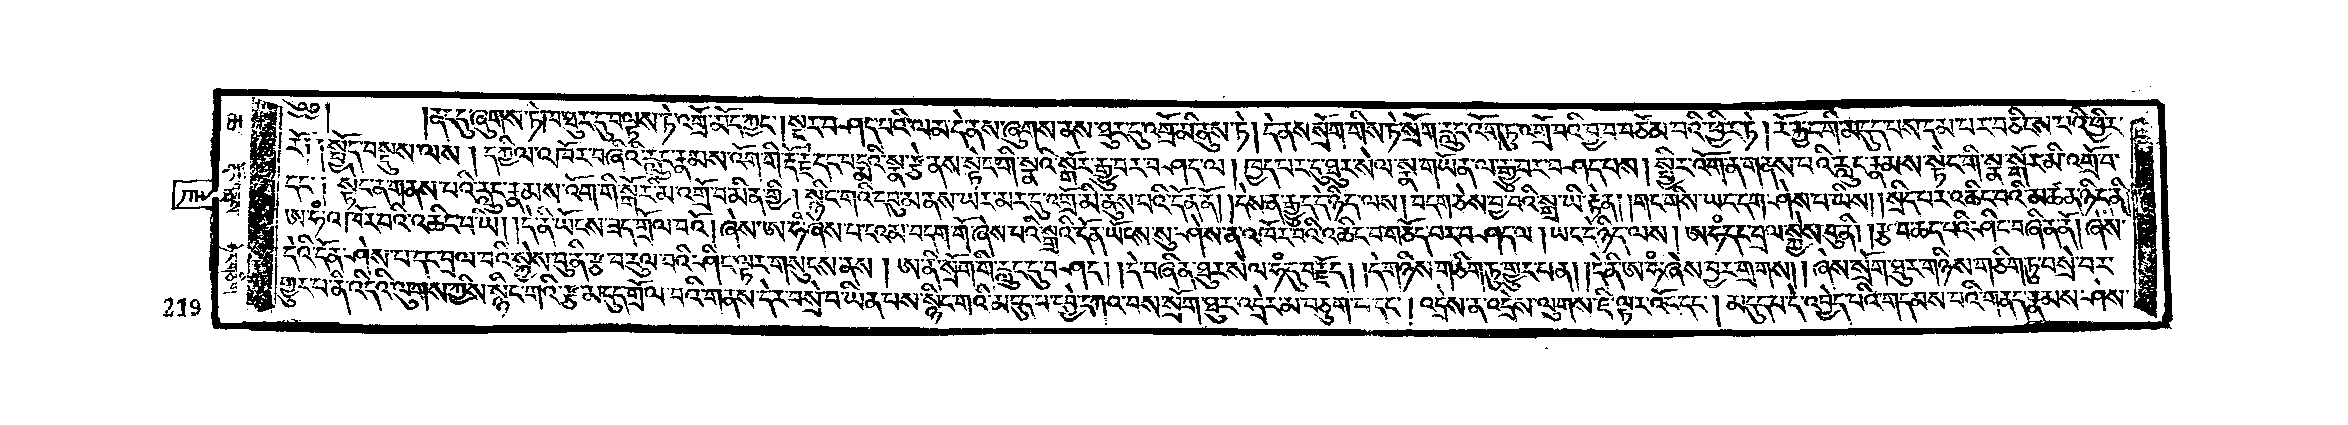༄༅། །ནང་དུ་ཞུགས་ཏེ་ཁ་ཐུར་དུ་བལྟས་ཏེ་འགྲོ་མོད་ཀྱང་། སྔར་བཤད་པའི་ལམ་དེ་ནས་ཞུགས་ནས་ཐུར་དུ་འགྲོ་མི་ནུས་ཏེ། དེ་ནས་སྲོག་གིས་ཏེ་སྲོག་རླུང་འོག་ཏུ་འགྲོ་བའི་བྱ་བ་བཅོམ་པའི་ཕྱིར་ཏེ། རོ་རྐྱང་གི་མདུད་པས་དམ་པར་བཅིངས་པའི་ཕྱིར་
རོ། །སྤྱོད་བསྡུས་ལས། དཀྱིལ་འཁོར་བཞིའི་རླུང་རྣམས་འོག་གི་རྡོ་རྗེ་དང་པདམའི་སྣ་རྩེ་ནས་སྟེང་གི་སྣའི་སྒོར་རྒྱུ་བར་བཤད་ལ། ཁྱད་པར་དུ་ཐུར་སེལ་སྣ་གཡོན་ལ་རྒྱུ་བར་བཤད་པས། སྤྱིར་འོག་ན་གནས་པའི་རླུང་རྣམས་སྟེང་གི་སྣ་སྒོར་མི་འགྲོ་བ་
དང་། སྟེང་ན་གནས་པའི་རླུང་རྣམས་འོག་གི་སྒོར་མི་འགྲོ་བ་མིན་གྱི། སྙིང་གའི་དབུ་མ་ནས་ཡར་མར་དུ་འགྲོ་མི་ནུས་པའི་དོན་ནོ། །དེས་ན་རྒྱུད་དེ་ཉིད་ལས། བདག་ཅེས་བྱ་བའི་སྒྲ་ཡི་རྟེན། །གང་གིས་ཡང་དག་ཤེས་པ་ཡིས། །སྲིད་པར་འཆིང་བའི་མཚན་ཉིད་ནི།
ཨ་ཧཾ་འཁོར་བའི་འཆིང་བ་ཡི། །དེ་ནི་ཡོངས་ཟད་གྲོལ་བའོ། ཞེས་ཨ་ཧཾ་ཞེས་པ་ངའམ་བདག་གོ་ཞེས་པའི་སྒྲའི་དོན་ཡོངས་སུ་ཤེས་ན་འཁོར་བའི་འཆིང་བ་གཅོད་པར་བཤད་ལ། ཡང་དེ་ཉིད་ལས། ཨ་ཧཾ་དང་བྲལ་སྐྱེས་བུ་ནི། །རྩ་བ་ཆད་པའི་ཤིང་བཞིན་ནོ། ཞེས་
དེའི་དོན་ཤེས་པ་དང་བྲལ་བའི་སྐྱེས་བུ་ནི་རྩ་བ་རུལ་བའི་ཤིང་ལྟར་གསུངས་ནས། ཨ་ནི་སྲོག་གི་རླུང་དུ་བཤད། །དེ་བཞིན་ཐུར་སེལ་ཧཾ་དུ་བརྗོད། །དེ་གཉིས་གཅིག་ཏུ་གྱུར་པ་ན། །དེ་ནི་ཨ་ཧཾ་ཞེས་བྱར་གྲགས། །ཞེས་སྲོག་ཐུར་གཉིས་གཅིག་ཏུ་བསྲེ་བར་
གྱུར་པ་ནི་འདིའི་ལུགས་ཀྱིས་སྙིང་གའི་རྩ་མདུད་གྲོལ་བའི་གནས་དེར་བསྲེ་བ་ཡིན་པས་སྙིང་གའི་མདུད་པ་དབྱེ་དཀའ་བས་སྲོག་ཐུར་འདྲེར་མ་བཅུག་པ་དང་། འདྲེས་ན་འདྲེས་ལུགས་ཇི་ལྟར་འོང་དང་། མདུད་པ་དེ་འབྱེད་པའི་གདམས་པའི་གནད་རྣམས་ཤེས་